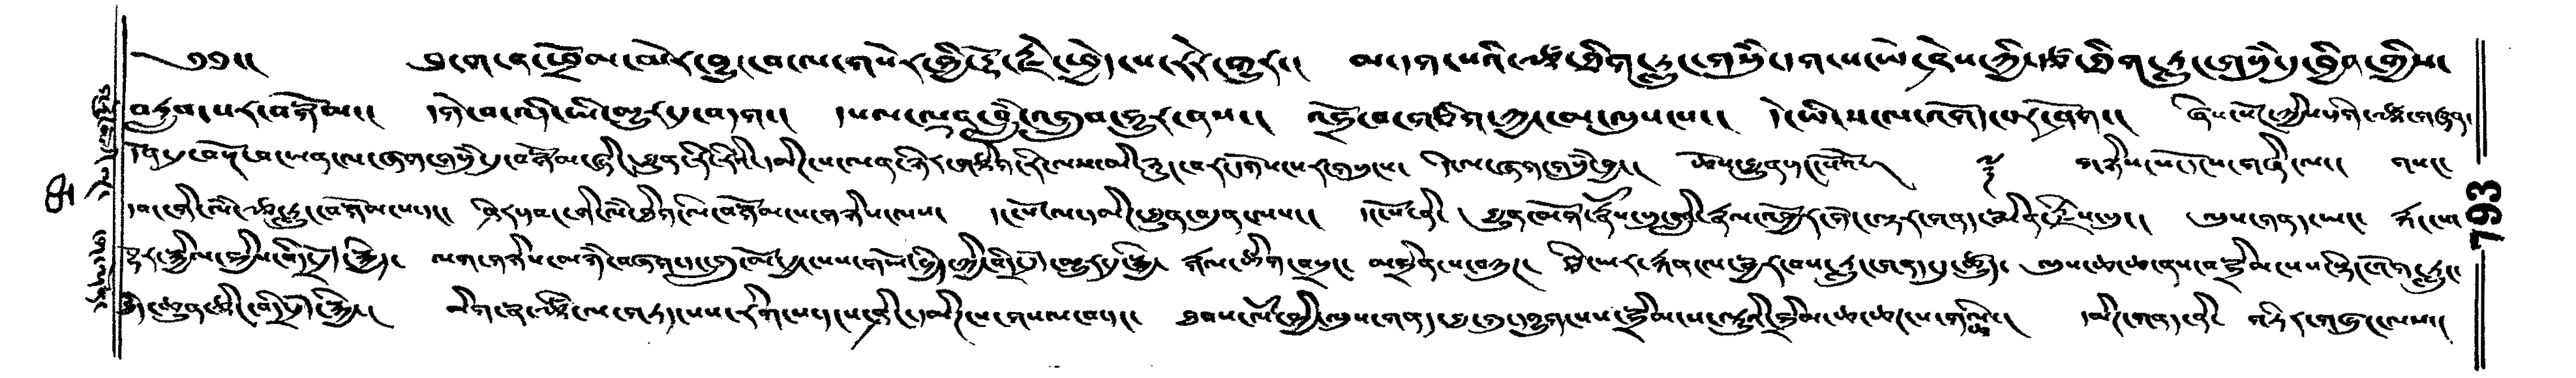བུ་ག་ནས་ཕྲོམ་མེར་བྱུང་བ་ལ་གསེར་གྱི་རྡོ་རྗེ་ཕྱེད་པ་རེར་གྱུར། མ་དག་པའི་རྩ་ཐིག་རླུང་གསུམ་དག་པ་ཡེ་ཤེས་ཀྱི་རྩ་ཐིག་རླུང་གསུམ་དུ་བྱིན་གྱིས་
བརླབས་པར་སྒོམ། དགེ་བ་འདི་ཡི་མྱུར་དུ་བདག །དཔལ་ལྡན་བླ་མ་འགྲུབ་གྱུར་ནས། །འགྲོ་བ་གཅིག་ཀྱང་མ་ལུས་པ། །དེ་ཡི་ས་ལ་འགོད་པར་ཤོག ཞེས་སོགས་ཀྱིས་དགེ་རྩ་གཞན་
དོན་དུ་བསྔོ་བ་ཡན་ལ་ཞག་གསུམ་དུ་བསྒོམ་ཞིང་ཐུན་རེ་རེའི་དམིགས་པ་ལན་ཉེར་གཅིག་རེ་ལས་མི་ཉུང་བ་དགོས་པར་གསུངས། དེ་ལ་ཞག་གསུམ་བྱ། ཆོས་ཐུན་དང་པོའོ། ༈ གཉིས་པ་དངོས་གཞི་ལ། གསང་
དབང་གི་ལམ་རྩ་རླུང་བསྒོམ་པ་དང་། ཤེར་དབང་གི་ལམ་ཐིག་ལེ་བསྒོམ་པ་གཉིས་ལས། དང་པོ་ལ་དམིགས་ཐུན་བདུན་ལས། དང་པོ་ནི། ཐུན་འགོ་རྣམས་སུ་བླ་མའི་རྣལ་འབྱོར་གོང་ལྟར་གནད་སྨིན་རྗེས་སུ། ལུས་གནད་ཡང་། རྐང་པ་
རྡོར་སྐྱིལ་གྱིས་བདེ་དྲོད་སྐྱེད། ལག་གཉིས་མཉམ་བཞག་དང་གྲུ་མོ་རྒྱངས་པས་གཡོ་བྱེད་ཀྱི་བདེ་དྲོད་མྱུར་དུ་སྐྱེ། རྒལ་ཚིག་བསྲང་། མགྲིན་པ་བཀུགས། ལྕེ་ཡར་རྐན་ལ་སྦྱར་བས་རླུང་གནད་དུ་ཚུད། ལུས་ཆ་ཆ་ནས་བསྒྲིམ་པས་སྟེང་འོག་གི་རླུང་
ཐམས་ཅད་ཆུན་ཅིང་བདེ་དྲོད་སྐྱེ། མིག་སྣ་རྩེ་ལ་གཏད་པས་རིག་པ་དྭངས་ཤིང་དམིགས་པ་གསལ་བ་དང་།ཐབས་ལམ་གྱི་ལུས་གནད་ཐ་གུ་དབྱུག་པས་སྒྲིམ་པ་ལྟ་བུའི་གྲིམ་ཆ་ཆགས་པ་གལ་ཆེ། དམིགས་གནད་ནི། གཏེར་གཞུང་ལས།